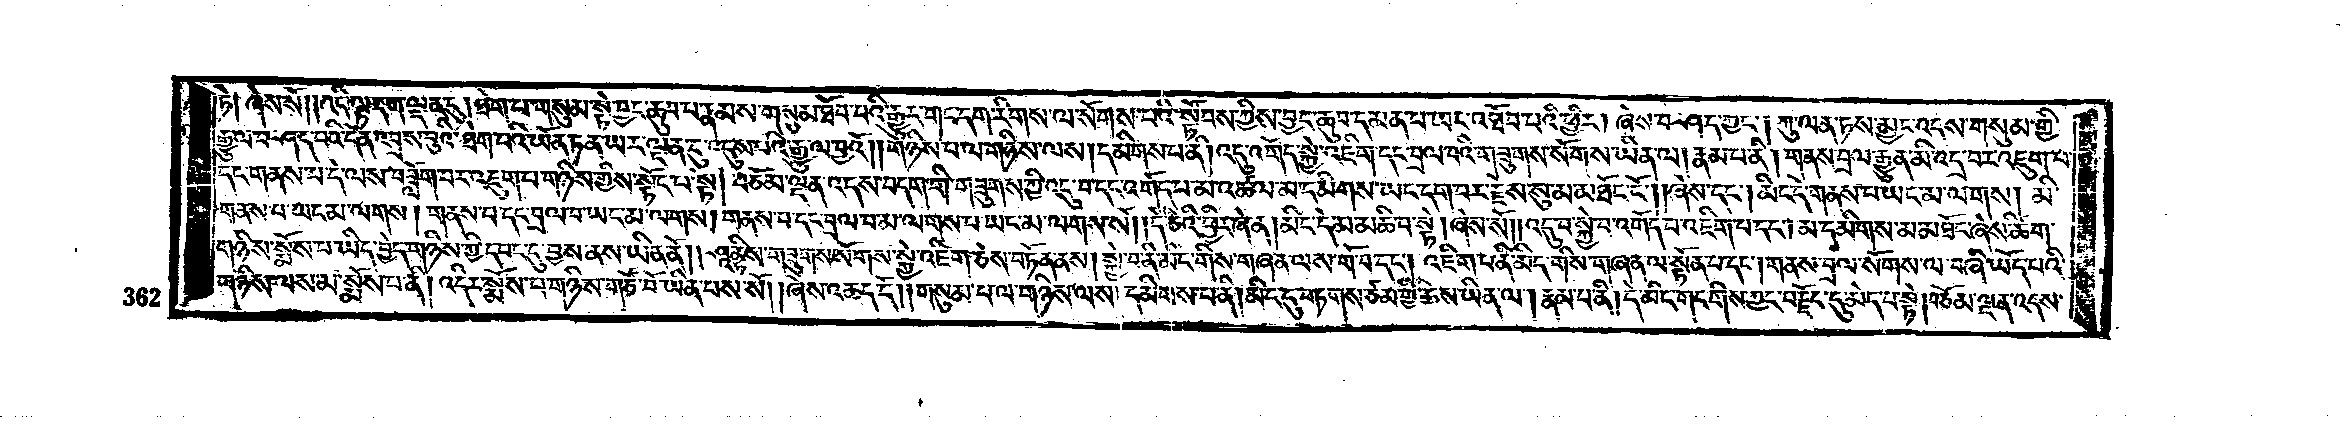ཏེ། ཞེས་སོ། །འདི་ལ་དག་ལྡན་དུ། ཐེག་པ་གསུམ་སྟེ་བྱང་ཆུབ་པ་རྣམས་གསུམ་ཐོབ་པའི་རྒྱུར་གང་དག་རིགས་ལ་སོགས་པའི་སྟོབས་ཀྱིས་བྱང་ཆུབ་དམན་པ་ཡང་འཐོབ་པའི་ཕྱིར། ཞེས་བཤད་ཀྱང་། ཀུ་ལན་ཏས་མྱང་འདས་གསུམ་གྱི་
རྒྱུ་ལ་བཤད་པའི་དོན་འབྲས་བུའི་ཐེག་པའི་ཡོན་ཏན་ཡར་ལྡན་དུ་འདུས་པའི་རྒྱུ་ལ་བྱའོ། །གཉིས་པ་ལ་གཉིས་ལས། དམིགས་པ་ནི། འདུ་འགོད་སྐྱེ་འཇིག་དང་བྲལ་བའི་གཟུགས་སོགས་ཡིན་ལ། རྣམ་པ་ནི། གནས་བྲལ་རྒྱུན་མི་འདྲ་བར་འཇུག་པ་
དང་གནས་པ་དེ་ལས་བཟློག་པར་འཇུག་པ་གཉིས་ཀྱིས་སྟོང་པ་སྟེ། བཅོམ་ལྡན་འདས་བདག་གི་གཟུགས་ཀྱི་འདུ་བ་དང་འགོད་པ་མ་འཚལ་མ་དམིགས་ཡང་དག་པར་རྗེས་སུ་མ་མཐོང་ངོ། །ཞེས་དང་། མིང་དེ་གནས་པ་ཡང་མ་ལགས། མི་
གནས་པ་ཡང་མ་ལགས། གནས་པ་དང་བྲལ་བ་ཡང་མ་ལགས། གནས་པ་དང་བྲལ་བ་མ་ལགས་པ་ཡང་མ་ལགས་སོ། །དེ་ཅིའི་ཕྱིར་ཞེ་ན། མིང་དེ་མ་མཆི་བ་སྟེ། ཞེས་སོ། །འདུ་བ་སྐྱེ་བ་འགོད་པ་འཇིག་པ་དང་། མ་དམིགས་མ་མཐོང་ཞེས་ཚིག་
གཉིས་སྨོས་པ་ཡིད་བྱེད་གཉིས་ཀྱི་དབང་དུ་བྱས་ནས་ཡིན་ནོ། །ཤཱནྟིས་གཟུགས་སོགས་སྐྱེ་འཇིག་ཅེས་བཏོན་ནས། སྐྱེ་བ་ནི་མིང་གིས་གཞན་ལས་གོ་བ་དང་། འཇིག་པ་ནི་མིང་གིས་གཞན་ལ་སྟོན་པ་དང་། གནས་བྲལ་སོགས་ལ་བཞི་ཡོད་པའི་
གཉིས་ལས་མ་སྨོས་པ་ནི། འདིར་སྨོས་པ་གཉིས་གཙོ་བོ་ཡིན་པས་སོ། །ཞེས་འཆད་དོ། །གསུམ་པ་ལ་གཉིས་ལས། དམིགས་པ་ནི། མིང་དུ་བཏགས་ཙམ་གྱི་ཆེས་ཡིན་ལ། རྣམ་པ་ནི། དེ་མིང་གང་གིས་ཀྱང་བརྗོད་དུ་མེད་པ་སྟེ། བཅོམ་ལྡན་འདས་